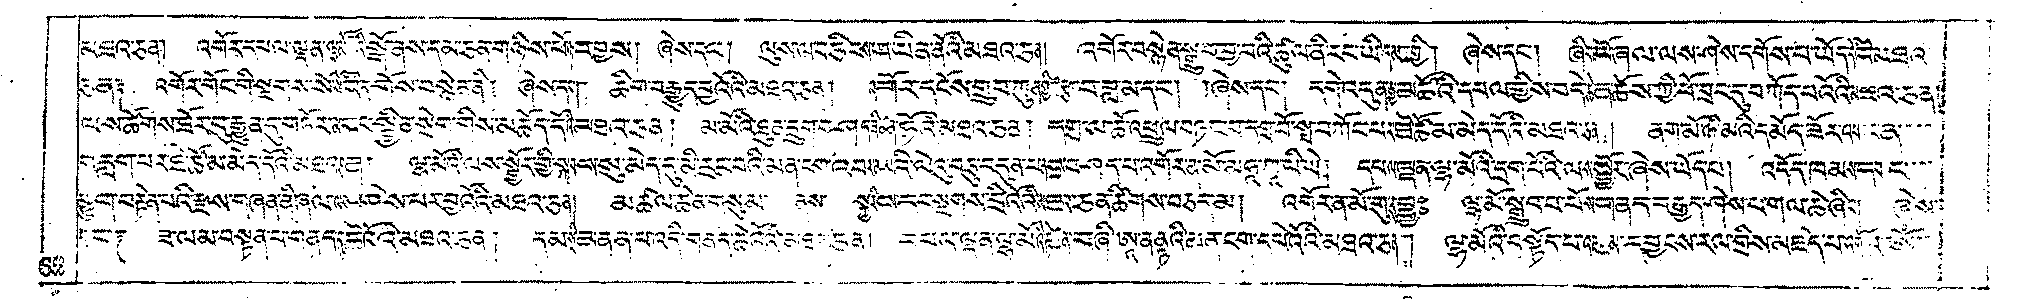མཐའ་ཅན། འགོར་དཔལ་ལྡན་ལྷ་མོའི་སྒོ་ནས་དམ་ཅན་གཉིས་ཕོ་ཉར་བྱས། ཞེས་དང་། ལུས་ལ་བཅིངས་པ་ཡིན་ནོའི་མཐའ་ཅན། འགོར་བསྙེན་སྒྲུབ་བྱ་བའི་ཚུལ་ནི་རང་ཡི་དམ་གྱི། ཞེས་དང་། ཞིབ་མོ་ཞལ་ལས་ཤེས་དགོས་པ་ཡོད་དོའི་མཐའ་
ཅན༑ འགོར་གོང་གི་སྔགས་སོ་སོའི་དགོས་བསྙེན་ནི། ཞེས་དང་། ཆིག་བརྒྱུད་བྱའོའི་མཐའ་ཅན། འགོར་དངོས་གྲུབ་ཀུན་གྱི་རྩ་བ་བླ་མ་དང་། །ཞེས་དང་། དགེ་འདུན་རྒྱ་མཚོའི་དཔལ་གྱིས་བདེ་ཆེན་ཆོས་ཀྱི་ཕོ་བྲང་དུ་བཀོད་པའོའི་མཐའ་ཅན།
ལས་ཚོགས་ཐོར་བུ་རྒྱུན་དུ་གཏོར་མ་དང་སྦྱིན་སྲེག་གིས་མཆོད་དོའི་མཐའ་ཅན། མ་མོའི་ཐུན་དྲུག་བཤད་ཟིན་ཏོའི་མཐའ་ཅན། དགྲ་ལ་ཆོ་འཕྲུལ་བཏང་བ་དགྲ་བོ་སྤ་བཀོང་པར་ཐེ་ཚོམ་མེད་དོའི་མཐའ་ཅན། ནག་མོ་ཉི་མའི་དམོད་ཟོར་འཕང་ན་
བརླག་པར་ཐེ་ཚོམ་མེད་དོའི་མཐའ་ཅན། ལྷ་མོའི་ལས་སྦྱོར་གྱི་སྐབས་སུ་མེད་དུ་མི་རུང་བའི་མན་ངག་འབར་མའི་ལེའུ་བཅུ་བདུན་པ་ནས་བཤད་པ་འགོར་ན་མོ་མཧཱ་ཀཱ་ལི་ཡེ། དཔལ་ལྡན་ལྷ་མོའི་དྲག་པོའི་ལས་སྦྱོར་ཞེས་ཡོད་པ། འདོད་ཁམས་དབང་
ཕྱུག་བརྟེན་པའི་རྫས་གཞན་ནི་ཞལ་ལས་ཤེས་པར་བྱའོའི་མཐའ་ཅན། མཚལ་ཆེན་གསུམ་ནས་སྐྱ་རིས་དང་སྔགས་བྲིའོའི་མཐའ་ཅན་ཚིགས་བཅད་མ་འགྲོ་ན་མོ་གུ་རུ་བྷྱཿ ལྷ་མོ་སྒྲུབ་པ་པོས་གནད་བརྒྱད་ཤེས་པ་གལ་ཆེ་ཞིང་། ཞེས་
དང༑ ཟ་ལམ་བསྟན་པ་གནད་དུ་ཆེའོའི་མཐའ་ཅན། དམ་སྲི་མནན་པ་འདི་གནད་ཆེའོའི་མཐའ་ཅན། དཔལ་དླན་ལྷ་མོའི་རྟེན་བཞི་ཨཱ་ནནྟའི་མན་ངག་དཔེའོའི་མཐའ་ཅན། ལྷ་མོའི་བསྟོད་པ་འཇམ་དབྱངས་རལ་གྲིས་མཛད་པ་འགོར་ཨོཾ་